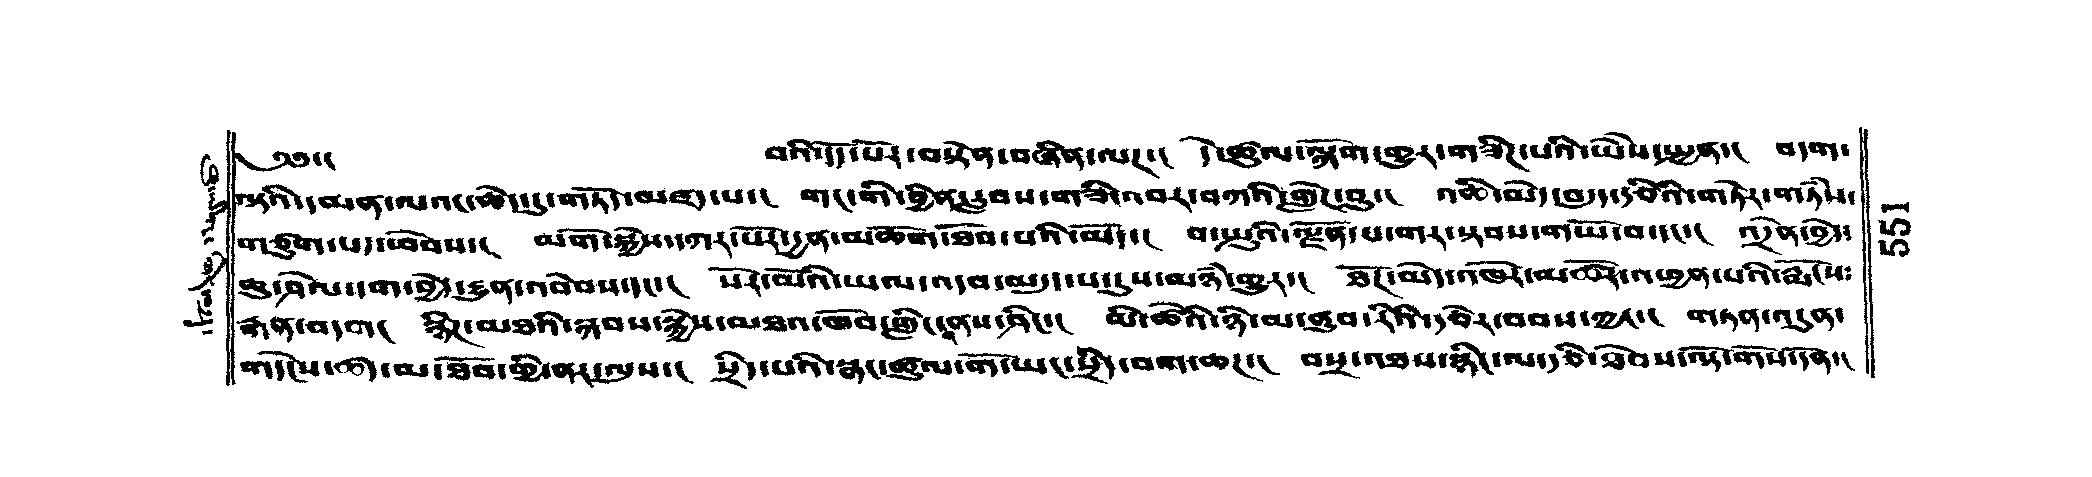བའི་དོད་པོར་བསྟེན་བཞིན་ལགས། །དེ་ཚུལ་ལྐོག་གྱུར་གཟིགས་པའི་ཡེ་ཤེས་སྤྱན། །བདག་
ལྟའི་དམན་ལའང་ཆེད་དུ་གཏོད་མཛད་པ། །གང་གི་བྱིན་རླབས་གཟི་འབར་བཀའི་གླེགས་བུ། །འཆི་མེད་བདུད་རྩིའི་གཏེར་གཏམས་
གཙུག་པད་ཕེབས། །མགོ་སྐྱེས་དཀར་པོར་རྒྱན་མཆོག་ཐོབ་པའི་མོད། །བ་སྤུའི་ལྗོན་པ་གར་སྟབས་གཡོ་བ་དང་། །འདྲེན་བྱེད་
ཆུ་ཤེལ་དག་བྱེད་རྒྱུན་འབེབས་དང་། །སོར་མོའི་ཡལ་འདབ་མདུད་པ་དུས་མཉམ་གྱུར། །ཐོག་མེད་འཁོར་མཚོར་འཕྱན་པའི་རྨོངས་
རྒན་བདག །སྙིགས་མཐའི་སྐབས་སྐྱེས་མཐའ་ཁོབ་གླིང་གནས་ཤིང་། །མི་ཚེའི་ཉི་མ་ནུབ་རིའི་རྩེར་བབས་ཀྱང་། །གཏན་འདུན་
གདེངས་ཚད་མ་ཐོབ་གྱི་ནར་ལུས། །སྲིད་པའི་སྣང་ཚུལ་གོ་ཡང་སྲིད་བག་ཆགས། །བསྲ་འཐས་སྙིང་ལ་རྩི་ཐེབས་ལྟོ་གོས་དོན།